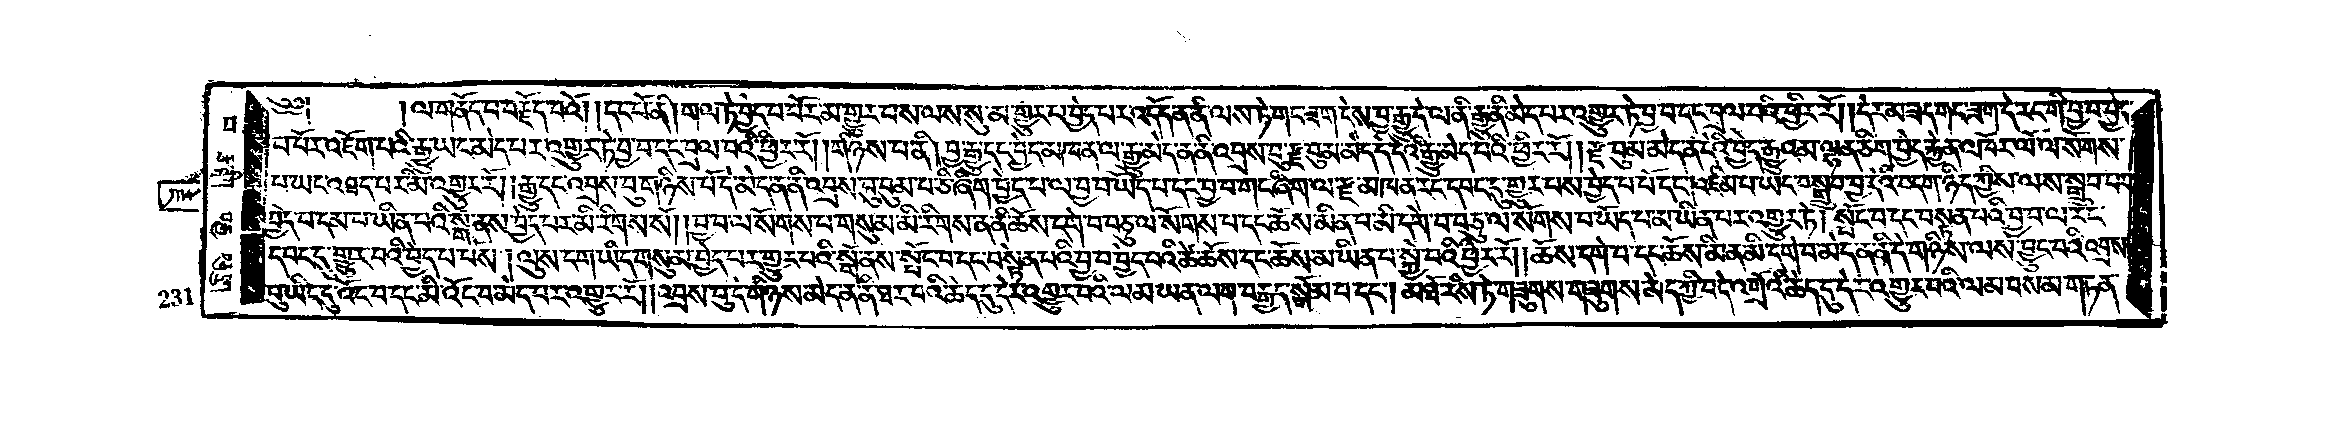༄༅། །ལ་གནོད་པ་བརྗོད་པའོ། །དང་པོ་ནི། གལ་ཏེ་བྱེད་པ་པོར་མ་གྱུར་བས་ལས་སུ་མ་གྱུར་པ་བྱེད་པར་འདོད་ན་ནི་ལས་ཏེ་གང་ཟག་དེས་བྱ་རྒྱུ་དེ་ལ་ནི་རྒྱུ་ནི་མེད་པར་འགྱུར་ཏེ་བྱ་བ་དང་བྲལ་བའི་ཕྱིར་རོ། །དེར་མ་ཟད་གང་ཟག་དེ་རང་གི་བྱ་བ་བྱེད་
པ་པོར་འཇོག་པའི་རྒྱུ་ཡང་མེད་པར་འགྱུར་ཏེ་བྱ་བ་དང་བྲལ་བའི་ཕྱིར་རོ། །གཉིས་པ་ནི། བྱ་རྒྱུ་དང་བྱེད་མཁན་ལ་རྒྱུ་མེད་ན་ནི་འབྲས་བུ་རྫ་བུམ་མེད་དེ་དེའི་རྒྱུ་མེད་པའི་ཕྱིར་རོ། །རྫ་བུམ་མེད་ན་དེའི་བྱེད་རྒྱུའམ་ལྷན་ཅིག་བྱེད་རྐྱེན་འཁོར་ལོ་ལ་སོགས་
པ་ཡང་འཐད་པར་མི་འགྱུར་རོ། །རྒྱུ་དང་འབྲས་བུ་གཉིས་པོ་དེ་མེད་ན་ནི་འབྲས་བུ་བུམ་པ་ཅི་ཞིག་བྱེད་པ་ལ་བྱ་བ་ཡོད་པ་དང་བྱ་བ་གང་ཞིག་ལ་རྫ་མཁན་རང་དབང་དུ་གྱུར་པས་བྱེད་པ་པོ་དང་། འཇིམ་པ་ཡང་བསྒྲུབ་བྱ་དེའི་བདག་ཉིད་ཀྱིས་ལས་སྒྲུབ་པར་
བྱེད་པ་དམ་པ་ཡིན་པའི་སྒོ་ནས་བྱེད་པར་མི་རིགས་སོ། །བྱ་བ་ལ་སོགས་པ་གསུམ་མི་རིགས་ན་ནི་ཆོས་དགེ་བ་བཅུ་ལ་སོགས་པ་དང་ཆོས་མིན་པ་མི་དགེ་བ་བཅུ་ལ་སོགས་པ་ཡོད་པ་མ་ཡིན་པར་འགྱུར་ཏེ། སྤོང་བ་དང་བསྟན་པའི་བྱ་བ་ལ་རང་
དབང་དུ་གྱུར་བའི་བྱེད་པ་པོས། ལུས་ངག་ཡིད་གསུམ་བྱེད་པར་གྱུར་བའི་སྒོ་ནས་སྤོང་བ་དང་བསྟན་པའི་བྱ་བ་བྱེད་པའི་ཚེ་ཆོས་དང་ཆོས་མ་ཡིན་པ་སྐྱེ་བའི་ཕྱིར་རོ། །ཆོས་དགེ་བ་དང་ཆོས་མིན་མི་དགེ་བ་མེད་ན་ནི་དེ་གཉིས་ལས་བྱུང་བའི་འབྲས་
བུ་ཡིད་དུ་འོང་བ་དང་མི་འོང་བ་མེད་པར་འགྱུར་རོ། །འབྲས་བུ་དེ་གཉིས་མེད་ན་ནི་ཐར་བའི་ཆེད་དུ་དེར་འགྱུར་བའི་ལམ་ཡན་ལག་བརྒྱད་སྒོམ་པ་དང་། མཐོ་རིས་ཏེ་གཟུགས་གཟུགས་མེད་ཀྱི་བདེ་འགྲོའི་ཆེད་དུ་དེར་འགྱུར་བའི་ལམ་བསམ་གཏན་